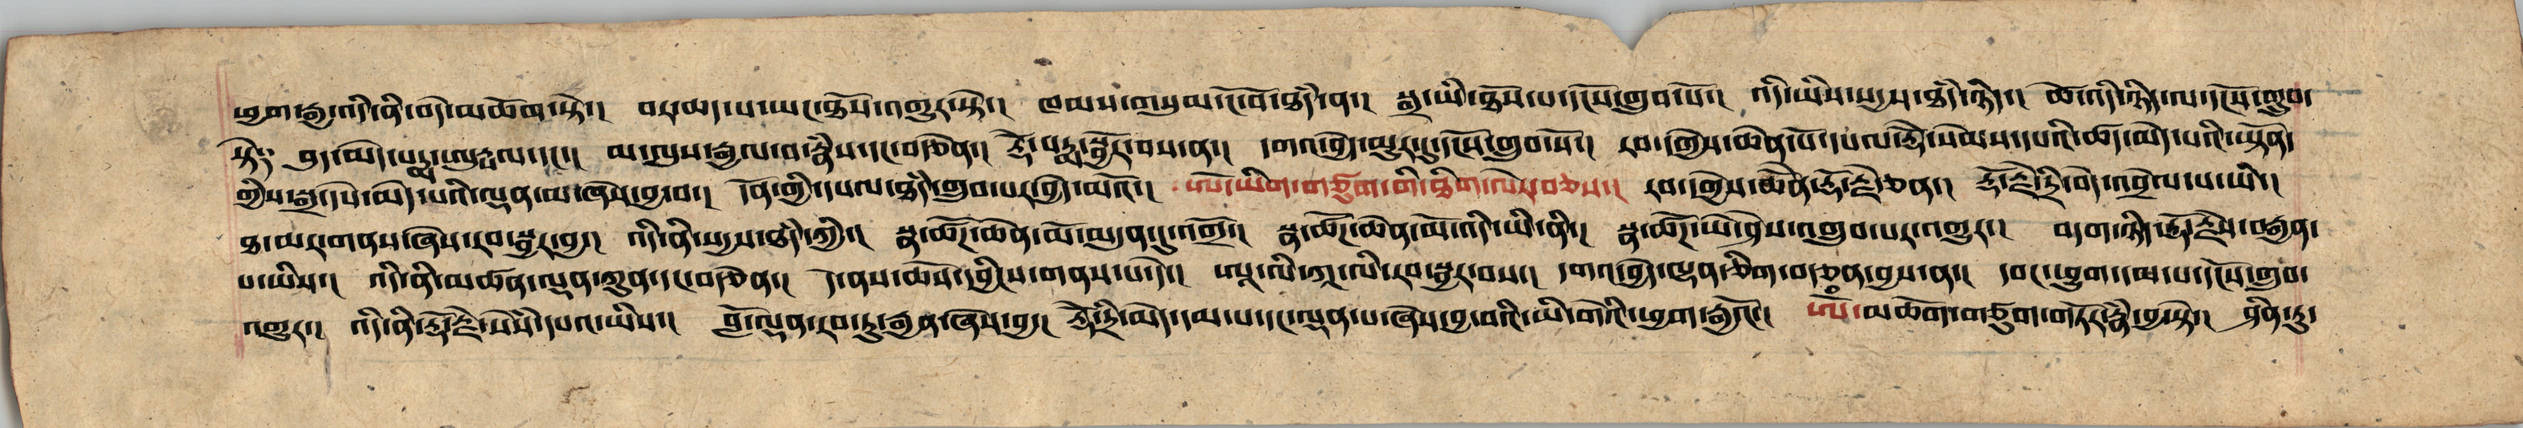ཕྱག་རྒྱ་འདི་ནི་བདེ་མཆོག་སྟེ་། བར་ཆད་ས་ཡང་ཐོས་འགྱུར་སྟེ་། ཁམས་གསུམ་ངོ་བོ་ཐཾད་ན་། སྒྲ་ཡི་ཐོས་པ་དངོས་གྲུབ་པོ་། འདི་ཡིས་སདྱས་ཐཾད་ཉིད་། ཚེ་འདི་ཉིད་ལ་དངོས་གྲུབ་
སྟེ༑ བུད་མེད་པདྨ་ཨུཏྤལ་དང་། མ་ལུས་རྒྱལ་བ་རྣཾས་དང་བརྩེན་། རྡོེ་པདྨ་སྦྱོར་བས་ན་། དགའ་བྱེད་མྱུར་དུ་དངོས་གྲུབ་པོ་། རབ་དགྱེས་ཆེན་པོ་དཔལ་རྡོེ་སེམས་དཔའི་ཚད་མེད་པའི་ཡྟོན་
གྱིས་སྒྲ་དཔེ་མེད་པའི་ལྡན་མ་ཞེས་བྱ་བ་། དོན་གྱི་དཔལ་ཐཾད་གྲུབ་པར་བྱེད་མའོ་། ཨོ་ཡིག་གཙུག་གི་ཐིག་ལེར་བཅས་། རབ་དགྱེས་ཆེནོ་རྡོ་རྗེ་ཅན་། རྡོ་རྗེ་དྲི་བདེ་འབྲེལ་པ་ཡི་།
ཐ་མར་གནས་ཞེས་རབ་སྦྱར་བྱ་། འདི་ནི་སདྱས་ཐཾད་ཀྱི་། སྣ་ཚོཌ་ཆེན་མོ་མདུན་དུ་འགྲོ་། སྣ་ཚོཌ་ཆེན་མོ་འདི་ཡི་ནི་། སྣ་ཚོཌ་ཡེ་ཤེས་འགྲུབ་པར་འགྱུར་། བདག་ཉིད་རྡོ་རྗེས་བརྒྱན་
པ་ཡིས་། འདི་ནི་མཚན་ལྡན་ཀུན་དང་བརྩེན་། དེ་ནས་ཆོས་དབྱིངས་གནས་པ་དེ་། ཨཱ་ལི་ཀཱ་ལི་རབ་སྦྱར་བས་། དགའ་བྱེད་ལྷན་ཅིག་བརྩན་བྱས་ན་། དབང་ཕྱུག་དམ་པ་དངོས་གྲུབ་
འགྱུར་། འདི་ནི་རྡོ་རྗེ་སེཾས་དཔའ་ཡིས་། བློ་ལྡན་རབ་ཏུ་རྒྱན་ཞེས་བྱ་། རྡོེ་དྲི་མེད་དམ་པ་དང་ལྡན་པ་ཞེས་བྱ་བའི་ཡི་གེའི་ཕྱག་རྒྱའོ་། ཨོཾ་མཆོག་གཙུག་གཏོར་རྣཾ་བྱ་སྟེ་། ཤིན་ཏུ་